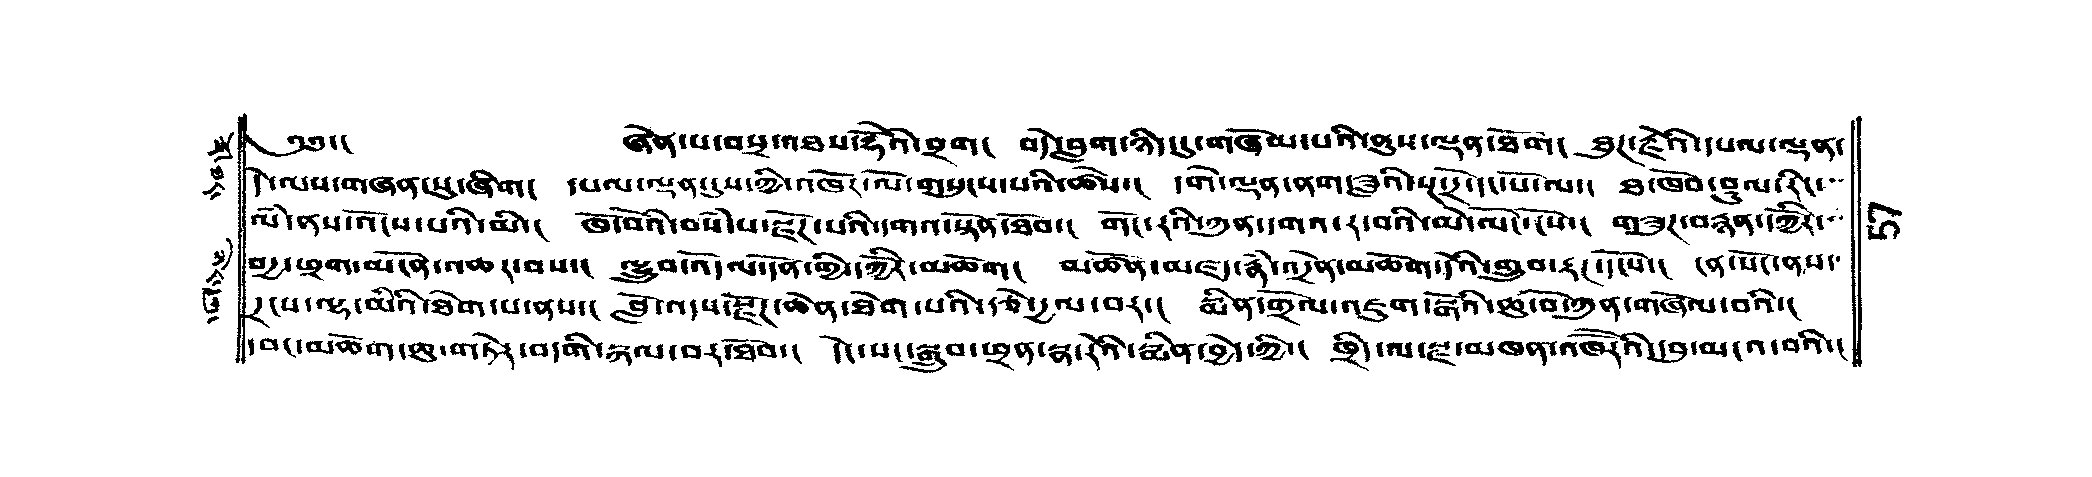ཞེན་པ་བསྲ་འཐས་རྡོ་རྗེའི་བྲག བདེ་བླག་ཉིད་དུ་གཞོམ་པའི་ནུས་ལྡན་ཐོག ཐུགས་རྗེའི་དཔལ་ལྡན་
དེ་ལས་གཞན་སུ་ཞིག དཔལ་ལྡན་དུས་ཀྱི་འཁོར་ལོ་གསུངས་པའི་ཚེས། །དགེ་ལྡན་ནག་ཟླའི་སྔ་དྲོ་དང་པོ་ལ། །མཐའ་འཁོབ་ཤུལ་རིང་
ལམ་ནས་འོངས་པའི་མི། །ཁོ་བོའི་བསམ་པ་རྫོགས་པའི་དགའ་སྟོན་ཐོབ། །གོང་རའི་ཀུན་དགའ་ར་བའི་མེ་ལོང་ངོས། །གཟུགས་བརྙན་དཀྱིལ་འཁོར་
བརྒྱ་ཕྲག་མངོན་འཆར་བས། །ལྷུན་གྲུབ་འོད་གསལ་དོན་གྱི་དཀྱིལ་འཁོར་མཆོག མཚོན་མཛད་རྣམ་འདྲེན་མཆོག་དེའི་གྲུབ་རྟགས་དངོས། །ངན་སོང་ནས་
དྲངས་ལྷ་མིའི་ཐེག་པ་ནས། །བློ་འདས་རྫོགས་ཆེན་ཐེག་པའི་རྩེ་རྒྱལ་བར། །སྨིན་གྲོལ་འཇུག་སྒོའི་ཆུ་བོ་ཀུན་གཞོལ་བའི། །
དབང་མཆོག་ཆུ་གཏེར་བདག་གི་སྐལ་བར་ཐོབ། །དེང་སང་སྒྲུབ་ཕྲན་སྣ་རེའི་སྨིན་བྱེད་ཀྱི། །ཁྲིད་ལ་རྫ་མཁན་འཁོར་ལོའི་དབུ་མངའ་བའི།